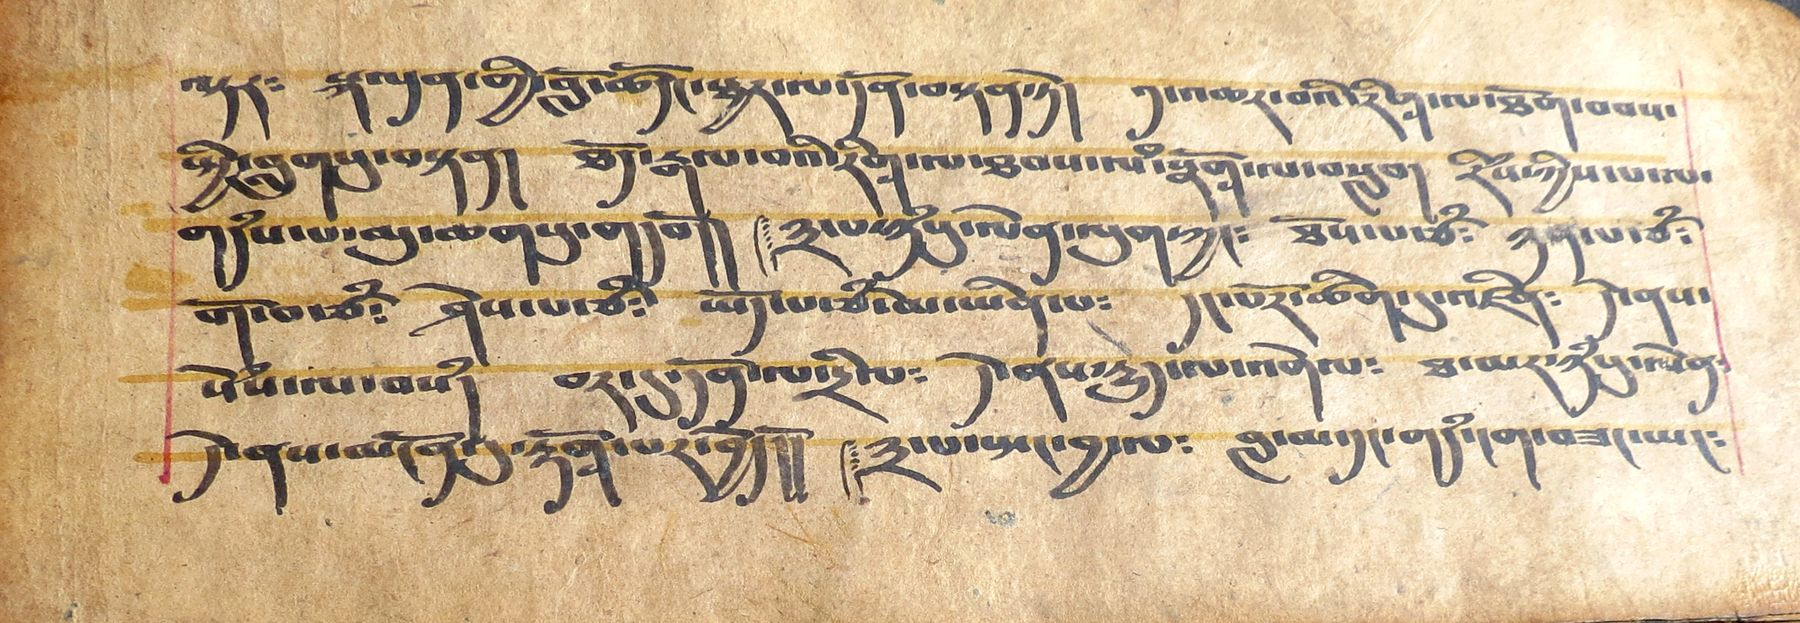ལྟར། སྐལ་ལྡན་གྱི་བློ་ཚོད་དང་སྦྱར་ནས་དོན་བསྟན་ཏེ། གཅིག་ཆར་བའི་རིགས་ལ་ཐོག་བབས་
སྤྱི་བླུགས་སུ་བསྟན། ཐོད་བརྒལ་བའི་རིགས་ལ་ཐབས་ལ་སྣ་ཚོགས་ལ་བསླབ། རིམ་སྐྱེས་པ་ལ་
གདམས་པ་མུ་ཆགས་སུ་གདབ་བོ། ། གསུམ་པ་ཉམས་སུ་ལེན་ལུགས་ཀྱང་། ཐོས་པ་ཙམ། ཉན་པ་ཙམ། 
གོ་བ་ཙམ། ཤེས་པ་ཙམ། ཡོད་པ་ཙམ་མ་ཡིན་པ། དང་པོར་ཚིག་ཏུ་འཛིན། དེ་ནས་
སེམས་ལ་ཕབས། བར་དུ་དོན་ལ་འདྲིལ། དེ་ནས་རྒྱུད་ལ་འགེལ། ཐ་མར་ཉམས་སུ་ལེན། 
དེ་ནས་མངོན་དུ་རྟོགས་པར་བྱེད་དོ། ། གསུམ་པ་སྤང་བྱ་ལ། བླ་མ་དང་གདམས་ངག་བཟང་ཡང་།